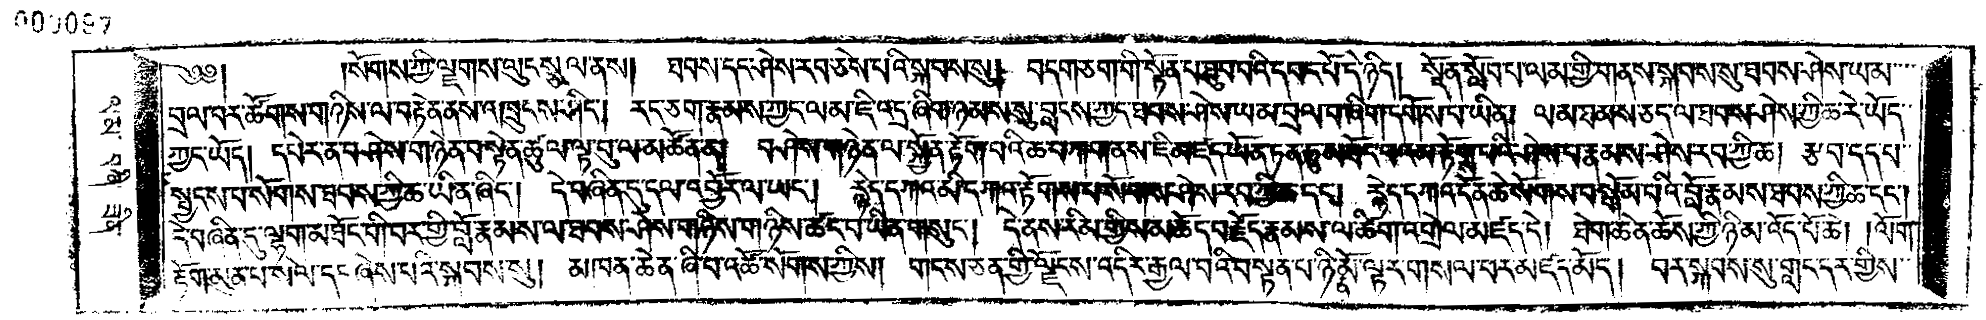༄༅། །སོགས་ཀྱི་ལྗགས་ལུང་སྩལ་ནས། ཐབས་དང་ཤེས་རབ་ཅེས་པའི་སྐབས་སུ། བདག་ཅག་གི་སྟོན་པ་ཐུབ་པའི་དབང་པོ་དེ་ཉིད། སྔོན་སློབ་པ་ལམ་གྱི་གནས་སྐབས་སུ་ཐབས་ཤེས་ཡ་མ་
བྲལ་བར་ཚོགས་གཉིས་ལ་བརྟེན་ནས་འཁྲུངས་ཤིང་། རང་ཅག་རྣམས་ཀྱང་ལམ་ཇི་འདྲ་ཞིག་ཉམས་སུ་བླངས་ཀྱང་ཐབས་ཤེས་ཡ་མ་བྲལ་བ་ཞིག་དགོས་པ་ཡིན། ལམ་ཐམས་ཅད་ལ་ཐབས་ཤེས་ཀྱི་ཆ་རེ་ཡོད་
ཀྱང་ཡོད། དཔེར་ན་བཤེས་གཉེན་བསྟེན་ཚུལ་ལྟ་བུ་ལ་མཚོན་ན། བཤེས་གཉེན་ལ་སྐྱོན་རྟོག་པའི་ཆ་བཀག་ནས་ཇི་མཛད་ཡོན་ཏན་ཏུ་མཐོང་བའམ་རྟོགས་པའི་ཤེས་པ་རྣམས་ཤེས་རབ་ཀྱི་ཆ། རྩབ་དད་པ་
སྦྱངས་པ་སོགས་ཐབས་ཀྱི་ཆ་ཡིན་ཞིང་། དེ་བཞིན་དུ་དལ་འབྱོར་ལ་ཡང་། རྙེད་དཀའ་མི་དཀའ་རྟོགས་པ་སོགས་ཤེས་རབ་ཀྱི་ཆ་དང་། རྙེད་དཀའ་དོན་ཆེ་སོགས་བསྒོམ་པའི་བློ་རྣམས་ཐབས་ཀྱི་ཆ་དང་།
དེ་བཞིན་དུ་ལྷག་མཐོང་གི་བར་གྱི་བློ་རྣམས་ལ་ཐབས་ཤེས་གཉིས་གཉིས་ཚང་བ་ཡིན་གསུང་། དེ་ནས་རིམ་གྱིས་མཆོད་བརྗོད་རྣམས་ལ་ཚིག་འགྲེལ་མཛད་དེ། ཐེག་ཆེན་ཆོས་ཀྱི་ཉི་མ་འོད་པོ་ཆེ། །ལོག་
རྟོག་མུན་པ་སེལ་དང་ཞེས་པའི་སྐབས་སུ། མཁན་ཆེན་ཞི་བ་འཚོ་སོགས་ཀྱིས། གངས་ཅན་གྱི་ལྗོངས་འདིར་རྒྱལ་བའི་བསྟན་པ་ཉིན་མོ་ལྟར་གསལ་བར་མཛད་མོད། བར་སྐབས་སུ་གླང་དར་གྱིས་